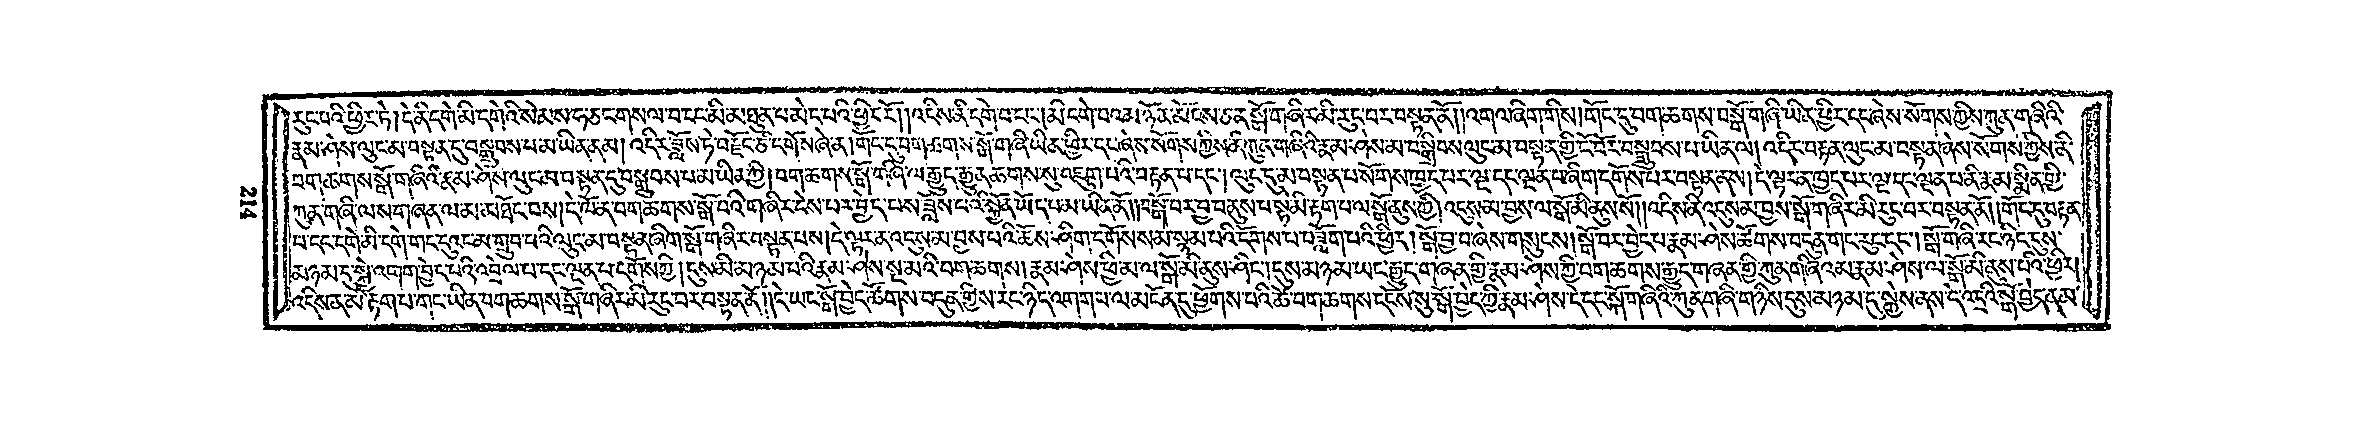རུང་པའི་ཕྱིར་ཏེ། དེ་ནི་དགེ་མི་དགེའི་སེམས་ཧ་ཅང་གསལ་བ་དང་མི་མཐུན་པ་མེད་པའི་ཕྱིར་རོ། །འདིས་ནི་དགེ་བ་དང་། མི་དགེ་བའམ་ཉོན་མོངས་ཅན་སྒོ་གཞིར་མི་རུང་བར་བསྟན་ནོ། །འགའ་ཞིག་གིས། གོང་དུ་བག་ཆགས་བསྒོ་གཞི་ཡིན་ཕྱིར་དང་ཞེས་སོགས་ཀྱིས་ཀུན་གཞིའི་
རྣམ་ཤེས་ལུང་མ་བསྟན་དུ་བསྒྲུབས་པ་མ་ཡིན་ནམ། འདིར་ཟློས་ཏེ་བརྗོད་ཅི་དགོས་ཞེ་ན། གོང་དུ་བག་ཆགས་སྒོ་གཞི་ཡིན་ཕྱིར་དང་ཞེས་སོགས་ཀྱིས་ནི་ཀུན་གཞིའི་རྣམ་ཤེས་མ་བསྒྲིབས་ལུང་མ་བསྟན་གྱི་ངོ་བོར་བསྒྲུབས་པ་ཡིན་ལ། འདིར་བརྟན་ལུང་མ་བསྟན་ཞེས་སོགས་ཀྱིས་ནི་
བག་ཆགས་སྒོ་གཞིའི་རྣམ་ཤེས་ལུང་མ་བསྟན་དུ་བསྒྲུབས་པ་མ་ཡིན་ཀྱི། བག་ཆགས་སྒོ་གཞི་ལ་རྒྱུད་རྒྱུན་ཆགས་སུ་འཇུག་པའི་བརྟན་པ་དང་། ལུང་དུ་མ་བསྟན་པ་སོགས་ཁྱད་པར་ལྔ་དང་ལྡན་པ་ཞིག་དགོས་པར་བསྟན་ནས། དེ་ལྟར་ན་ཁྱད་པར་ལྔ་དང་ལྡན་པ་ནི་རྣམ་སྨིན་གྱི་
ཀུན་གཞི་ལས་གཞན་ལ་མ་མཐོང་བས། དེ་ཁོ་ན་བག་ཆགས་སྒོ་བའི་གཞིར་ངེས་པར་བྱེད་པས་ཟློས་པའི་སྐྱོན་ཡོད་པ་མ་ཡིན་ནོ། །བསྒོ་བར་བྱ་བ་ནུས་པ་སྟེ་མི་རྟག་པ་ལ་སྒོ་ནུས་ཀྱི། འདུས་མ་བྱས་ལ་སྒོ་མི་ནུས་སོ། །འདིས་ནི་འདུས་མ་བྱས་སྒོ་གཞིར་མི་རུང་བར་བསྟན་ནོ། །གོང་དུ་བརྟན་
པ་དང་དགེ་མི་དགེ་གང་དུའང་གྲུབ་པའི་ལུང་མ་བསྟན་ཞིག་སྒོ་གཞིར་བསྟན་པས། དེ་ལྟར་ན་འདུས་མ་བྱས་པའི་ཆོས་ཤིག་དགོས་སམ་སྙམ་པའི་དོགས་པ་བཟློག་པའི་ཕྱིར། སྒོ་བྱ་བ་ཞེས་གསུངས། སྒོ་བར་བྱེད་པ་རྣམ་ཤེས་ཚོགས་བདུན་གང་རུང་དང་། སྒོ་གཞི་རང་ཉིད་དུས་
མཉམ་དུ་སྐྱེ་འགག་བྱེད་པའི་འབྲེལ་པ་དང་ལྡན་པ་དགོས་ཀྱི། དུས་མི་མཉམ་པའི་རྣམ་ཤེས་སྔ་མའི་བག་ཆགས། རྣམ་ཤེས་ཕྱི་མ་ལ་སྒོ་མི་ནུས་ཤིང་། དུས་མཉམ་ཡང་རྒྱུད་གཞན་གྱི་རྣམ་ཤེས་ཀྱི་བག་ཆགས་རྒྱུད་གཞན་གྱི་ཀུན་གཞིའམ་རྣམ་ཤེས་ལ་སྒོ་མི་ནུས་པའི་ཕྱིར།
འདིས་ན་མི་རྟག་པ་གང་ཡིན་བག་ཆགས་སྒོ་གཞིར་མི་རུང་བར་བསྟན་ནོ། །དེ་ཡང་སྒོ་བྱེད་ཚོགས་བདུན་གྱིས་རང་ཉིད་འགག་པ་ལ་མངོན་དུ་ཕྱོགས་པའི་ཚེ་བག་ཆགས་དངོས་སུ་སྒོ་བྱེད་ཀྱི་རྣམ་ཤེས་དེ་དང་སྐོ་གཞིའི་ཀུན་གཞི་གཉིས་དུས་མཉམ་དུ་སྐྱེས་ནས་དེ་འདྲའི་སྒོ་བྱེད་ནམ་